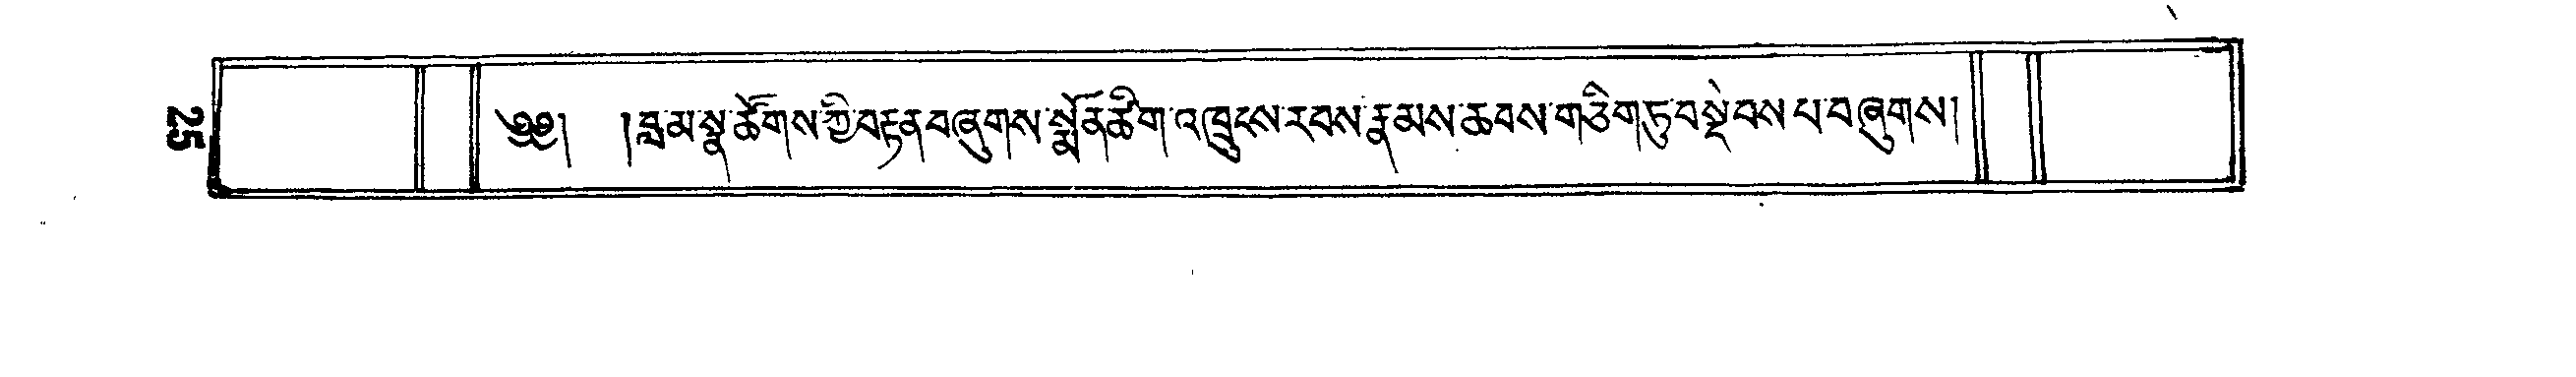༄༅། །བླ་མ་སྣ་ཚོགས་ཀྱི་བརྟན་བཞུགས་སྨོན་ཚིག་འཁྲུངས་རབས་རྣམས་ཆབས་གཅིག་ཏུ་བསྡེབས་པ་བཞུགས།